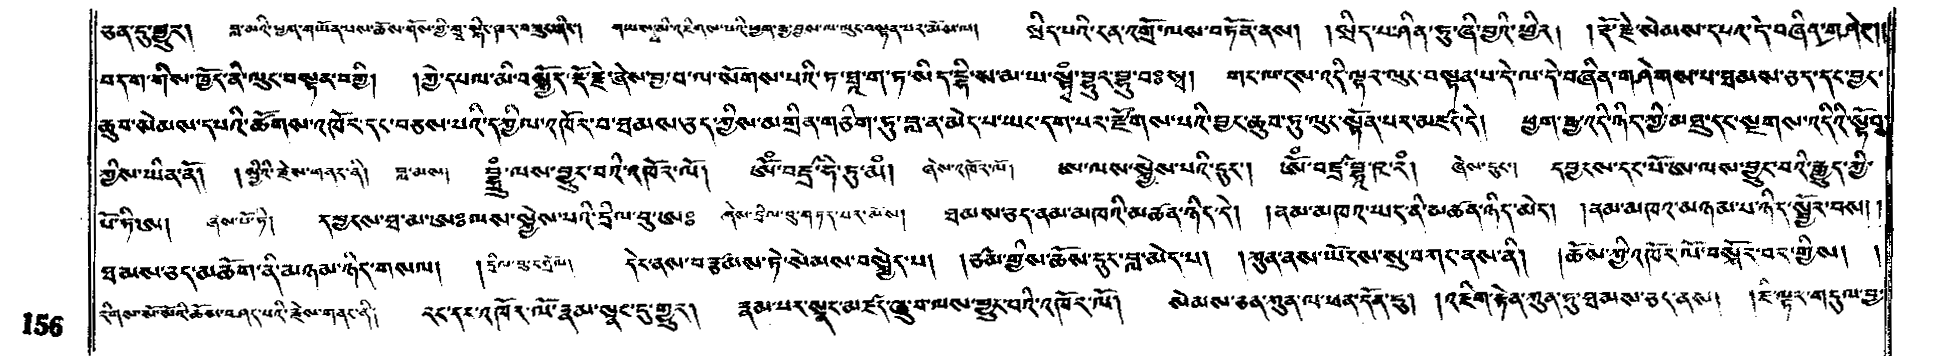ཅན་དུ་གྱུར། བླ་མའི་ཕྱག་གཡོན་པས་ཆོས་གོས་ཀྱི་གྲྭ་སྙིང་ཁར་བཟུང་ཞིང་། གཡས་པ་མི་འཇིགས་པའི་ཕྱག་རྒྱ་བྱས་ལ་ལུང་བསྟན་པར་མོས་ལ།  སྲིད་པའི་ངན་འགྲོ་ལས་བཏོན་ནས། །སྲིད་པ་ཤིན་ཏུ་ཞི་བྱའི་ཕྱིར། །རྡོ་རྗེ་སེམས་དཔའ་དེ་བཞིན་གཤེགས། །
བདག་གིས་ཁྱོད་ནི་ལུང་བསྟན་བགྱི། །ཀྱེ་དཔལ་མི་བསྐྱོད་རྡོ་རྗེ་ཞེས་བྱ་བ་ལ་སོགས་པའི་ཏ་ཐཱ་ག་ཏ་སིད་དྷི་ས་མ་ཡ་སྟྭཾ་བྷུར་བྷུ་བཿ སྭ། གང་ལ་ངས་འདི་ལྟར་ལུང་བསྟན་པ་དེ་ལ་དེ་བཞིན་གཤེགས་པ་ཐམས་ཅད་དང་བྱང་
ཆུབ་སེམས་དཔའི་ཚོགས་འཁོར་དང་བཅས་པའི་དཀྱིལ་འཁོར་བ་ཐམས་ཅད་ཀྱིས་མགྲིན་གཅིག་ཏུ་བླ་ན་མེད་པ་ཡང་དག་པར་རྫོགས་པའི་བྱང་ཆུབ་ཏུ་ལུང་སྟོན་པར་མཛད་དེ། ཕྱག་རྒྱ་འདི་ཉིད་ཀྱི་མཐུ་དང་སྔགས་འདིའི་སྟོབས་
ཀྱིས་ཡིན་ནོ། ། སྤྱིའི་རྗེས་གནང་ནི། བླ་མས།  བྷྲུཾ་ལས་བྱུང་བའི་འཁོར་ལོ། ཨོཾ་བཛྲ་ཧེ་ཏུ་མཾ། ཞེས་འཁོར་ལོ།  ཨ་ལས་སྐྱེས་པའི་དུང་། ཨོཾ་བཛྲ་བྷཱ་ཥ་རཾ། ཞེས་དུང་།  དབྱངས་དང་པོ་ཨ་ལས་བྱུང་བའི་རྒྱུད་ཀྱི་
པོ་ཏི་ཨ། ཞེས་པོ་ཏི།  དབྱངས་ཐ་མ་ཨཿ ལས་སྐྱེས་པའི་དྲིལ་བུ་ཨཿ ཞེས་དྲིལ་བུ་གཏད་པར་མོས།  ཐམས་ཅད་ནམ་མཁའི་མཚན་ཉིད་དེ། །ནམ་མཁའ་ཡང་ནི་མཚན་ཉིད་མེད། །ནམ་མཁའ་མཉམ་པ་ཉིད་སྦྱོར་བས། །
ཐམས་ཅད་མཆོག་ནི་མཉམ་ཉིད་གསལ། ། དྲིལ་བུ་དཀྲོལ།  དེང་ནས་བརྩམས་ཏེ་སེམས་བསྐྱེད་པ། །ཙམ་གྱིས་ཆོས་དུང་བླ་མེད་པ། །ཀུན་ནས་ཡོངས་སུ་བཀང་ནས་ནི། །ཆོས་ཀྱི་འཁོར་ལོ་བསྐོར་བར་གྱིས། །
རིགས་སོ་སོའི་ཆོས་བཤད་པའི་རྗེས་གནང་ནི།  རང་དང་འཁོར་ལོ་རྣམ་སྣང་དུ་གྱུར། རྣམ་པར་སྣང་མཛད་ཞུ་བ་ལས་བྱུང་བའི་འཁོར་ལོ། སེམས་ཅན་ཀུན་ལ་ཕན་དོན་དུ། །འཇིག་རྟེན་ཀུན་ཏུ་ཐམས་ཅད་ནས། །ཇི་ལྟར་གདུལ་བྱ་